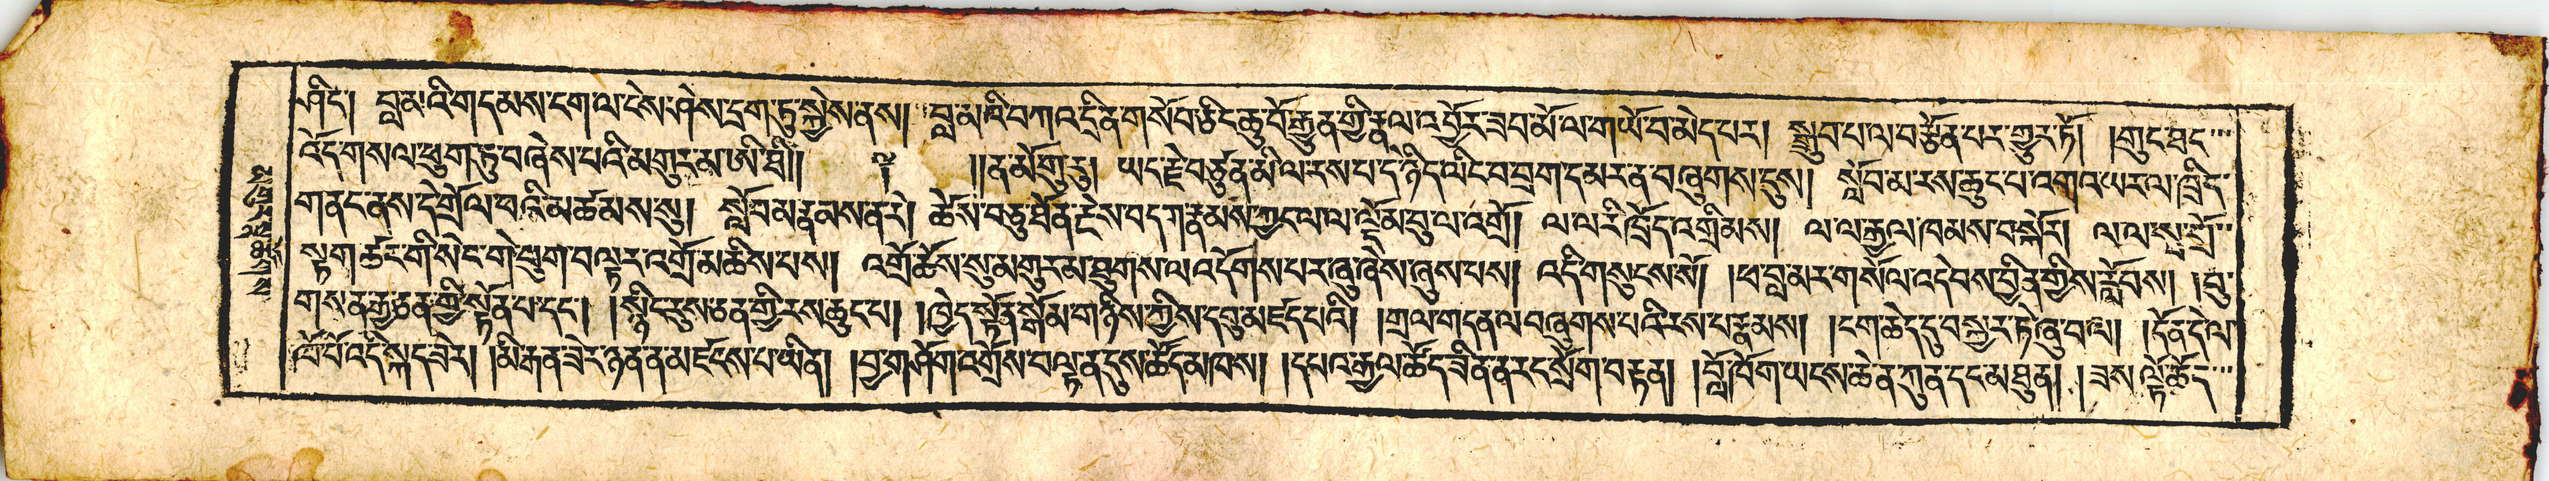ཤིང་། བླ་མའི་གདམས་ངག་ལ་ངེས་ཤེས་དྲག་ཏུ་སྐྱེས་ནས། བླ་མའི་བཀའ་དྲིན་གསོབ་ཅིང་ཆུ་བོ་རྒྱུན་གྱི་རྣལ་འབྱོར་ཟབ་མོ་ལ་གཡོ་བ་མེད་པར་སྒྲུབ་པ་ལ་བརྩོན་པར་གྱུར་ཏོ། །གུང་ཐང་
འོད་གསལ་ཕུག་ཏུ་བཞེས་པའི་མགུར་མ་ཨྠི། །ན་མོ་གུ་རུ། ཡང་རྗེ་བཙུན་མི་ལ་རས་པ་དེ་ཉིད་ལིང་བ་བྲག་དམར་ན་བཞུགས་དུས། སློབ་མ་རས་ཆུང་པ་འགའ་ཡར་ལ་ཁྲིད་
གནང་ནས་དེ་གྲོལ་བའི་མཚམས་སུ། སློབ་མ་རྣམས་ན་རེ། ཚེས་བཅུ་ཐོན་རྗེས་བདག་རྣམས་ཀྱང་ལ་ལ་ལྡོམ་བུ་ལ་འགྲོ། ལ་ལ་རི་ཁྲོད་འགྲིམས། ལ་ལ་རྒྱལ་ཁམས་བསྐོར། ལ་ལ་སྤ་བྲོ་
སྟག་ཚང་གི་སེང་གེ་ཕུག་བལྟར་འགྲོ་མཆིས་པས། འགྲོ་ཆོས་སུ་མགུར་མ་ཐུགས་ལ་འདོགས་པར་ཞུ་ཞེས་ཞུས་པས། འདི་གསུངས་སོ། །ཕ་བླ་མར་གསོལ་འདེབས་བྱིན་གྱིས་རློབས། །བུ་
གསན་རྒྱ་ཅན་གྱི་སྟོན་པ་དང་། །སྙིང་རུས་ཅན་གྱི་རས་ཆུང་པ། །ཁྱེད་སྟོན་སྒོམ་གཉིས་ཀྱིས་དབུ་མཛད་པའི། །གྲལ་གདན་ལ་བཞུགས་པའི་རས་པ་རྣམས། །ངག་ཆེད་དུ་བསྐྱར་ཏེ་ཞུ་བ་ལ། །དོན་དེ་ལ་
ཁོ་བོ་འདི་སྐད་ཟེར། །མི་རྒན་ཟེར་ཉན་ན་མཛངས་པ་ཡིན། །བྱ་གཤོག་འགྲོས་བལྟ་ན་དུས་ཚོད་མཁས། །དཔའ་རྒྱལ་ཚོད་ཟིན་ན་རང་སྲོག་བརྟན། །བློ་ཁོག་ཡངས་ཆེ་ན་ཀུན་དང་མཐུན། །ཟས་ལྟོ་ཚོ་